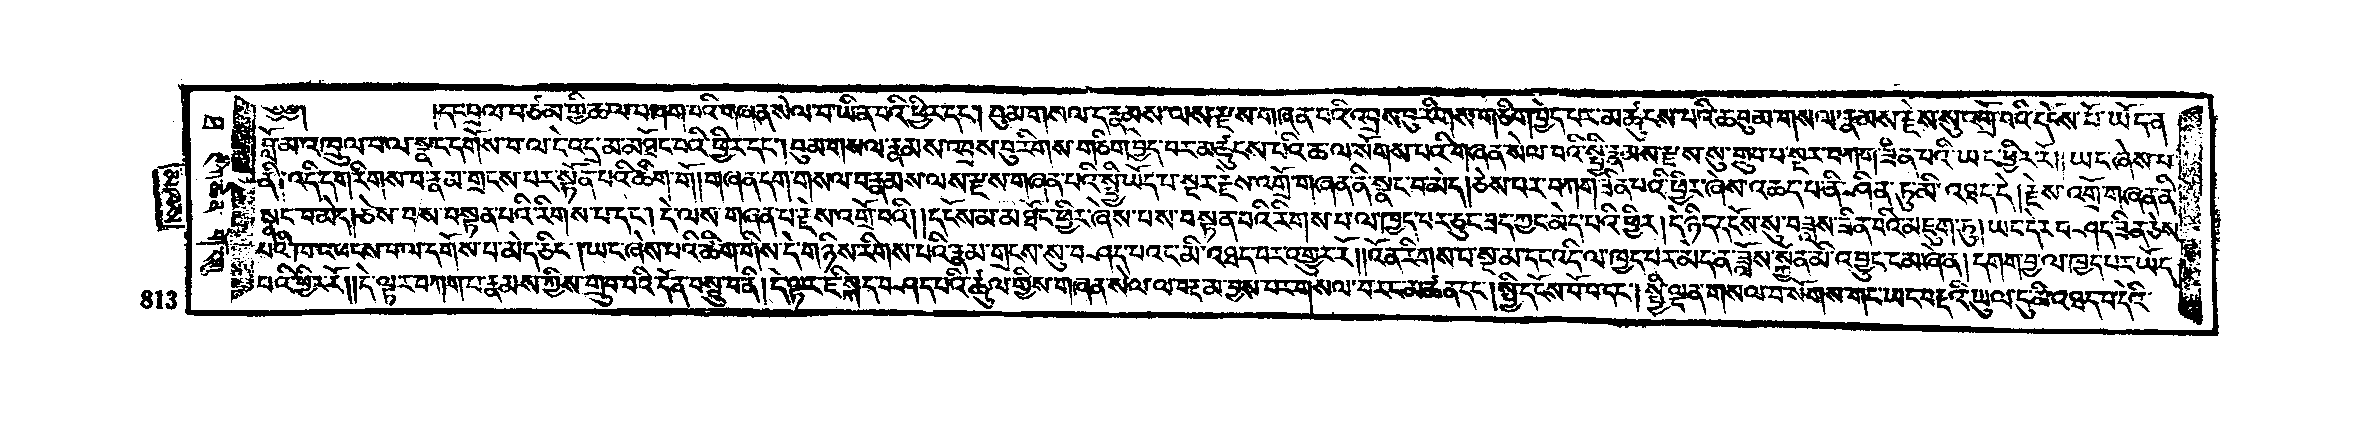༄༅། །དང་བྲལ་བ་ཙམ་གྱི་ཆ་ལ་བཞག་པའི་གཞན་སེལ་བ་ཡིན་པའི་ཕྱིར་དང་། བུམ་གསལ་དེ་རྣམས་ལས་རྫས་གཞན་པའི་འབྲས་བུ་རིགས་གཅིག་བྱེད་པར་མཚུངས་པའི་ཆ་བུམ་གསལ་རྣམས་རྗེས་སུ་འགྲོ་བའི་དངོས་པོ་ཡོད་ན་
བློ་མ་འཁྲུལ་བ་ལ་སྣང་དགོས་པ་ལ་དེ་འདྲ་མ་མཐོང་བའི་ཕྱིར་དང་། བུམ་གསལ་རྣམས་འབྲས་བུ་རིགས་གཅིག་བྱེད་པར་མཚུངས་པའི་ཆ་ལ་སོགས་པའི་གཞན་སེལ་བའི་སྤྱི་རྣམས་རྫས་སུ་གྲུབ་པ་སྔར་བཀག་ཟིན་པའི་ཡང་ཕྱིར་རོ། །ཡང་ཞེས་པ་
ནི། འདི་དག་རིགས་པ་རྣམ་གྲངས་པར་སྟོན་པའི་ཚིག་གོ །གཞན་དག་གསལ་བ་རྣམས་ལས་རྫས་གཞན་པའི་སྤྱི་ཡོད་པ་སྔར་རྗེས་འགྲོ་གཞན་ནི་སྣང་བ་མེད། ཅེས་པར་བཀག་ཟིན་པའི་ཕྱིར་ཞེས་འཆད་པ་ནི་ཤིན་ཏུ་མི་འཐད་དེ། རྗེས་འགྲོ་གཞན་ནི་
སྣང་བ་མེད། ཅེས་པས་བསྟན་པའི་རིགས་པ་དང་། དེ་ལས་གཞན་པ་རྗེས་འགྲོ་བའི། །དངོས་མ་མཐོང་ཕྱིར་ཞེས་པས་བསྟན་པའི་རིགས་པ་ལ་ཁྱད་པར་ཅུང་ཟད་ཀྱང་མེད་པའི་ཕྱིར། དེ་ཉིད་དངོས་སུ་བཟླས་ཟིན་པའི་མཇུག་ཏུ། ཡང་དེར་བཤད་ཟིན་ཅེས་
པའི་ཁ་འཕངས་པ་ལ་དགོས་པ་མེད་ཅིང་། ཡང་ཞེས་པའི་ཚིག་གིས་དེ་གཉིས་རིགས་པའི་རྣམ་གྲངས་སུ་བཤད་པའང་མི་འཐད་པར་འགྱུར་རོ། །འོ་ན་རིགས་པ་སྔ་མ་དང་འདི་ལ་ཁྱད་པར་མེད་ན་ཟློས་སྐྱོན་མི་འབྱུང་ངམ་ཞེ་ན། དགག་བྱ་ལ་ཁྱད་པར་ཡོད་
པའི་ཕྱིར་རོ། །དེ་ལྟར་བཀག་པ་རྣམས་ཀྱིས་གྲུབ་པའི་དོན་བསྡུ་བ་ནི། དེ་ལྟར་ཇི་སྐད་བཤད་པའི་ཚུལ་གྱིས་གཞན་སེལ་ལ་བརྡ་མ་བྱས་པར་གསལ་བ་རང་མཚན་དང་། སྤྱི་དངོས་པོ་བ་དང་། སྤྱི་ལྡན་གསལ་བ་སོགས་གང་ཡང་བརྡའི་ཡུལ་དུ་མི་འཐད་པ་དེའི་